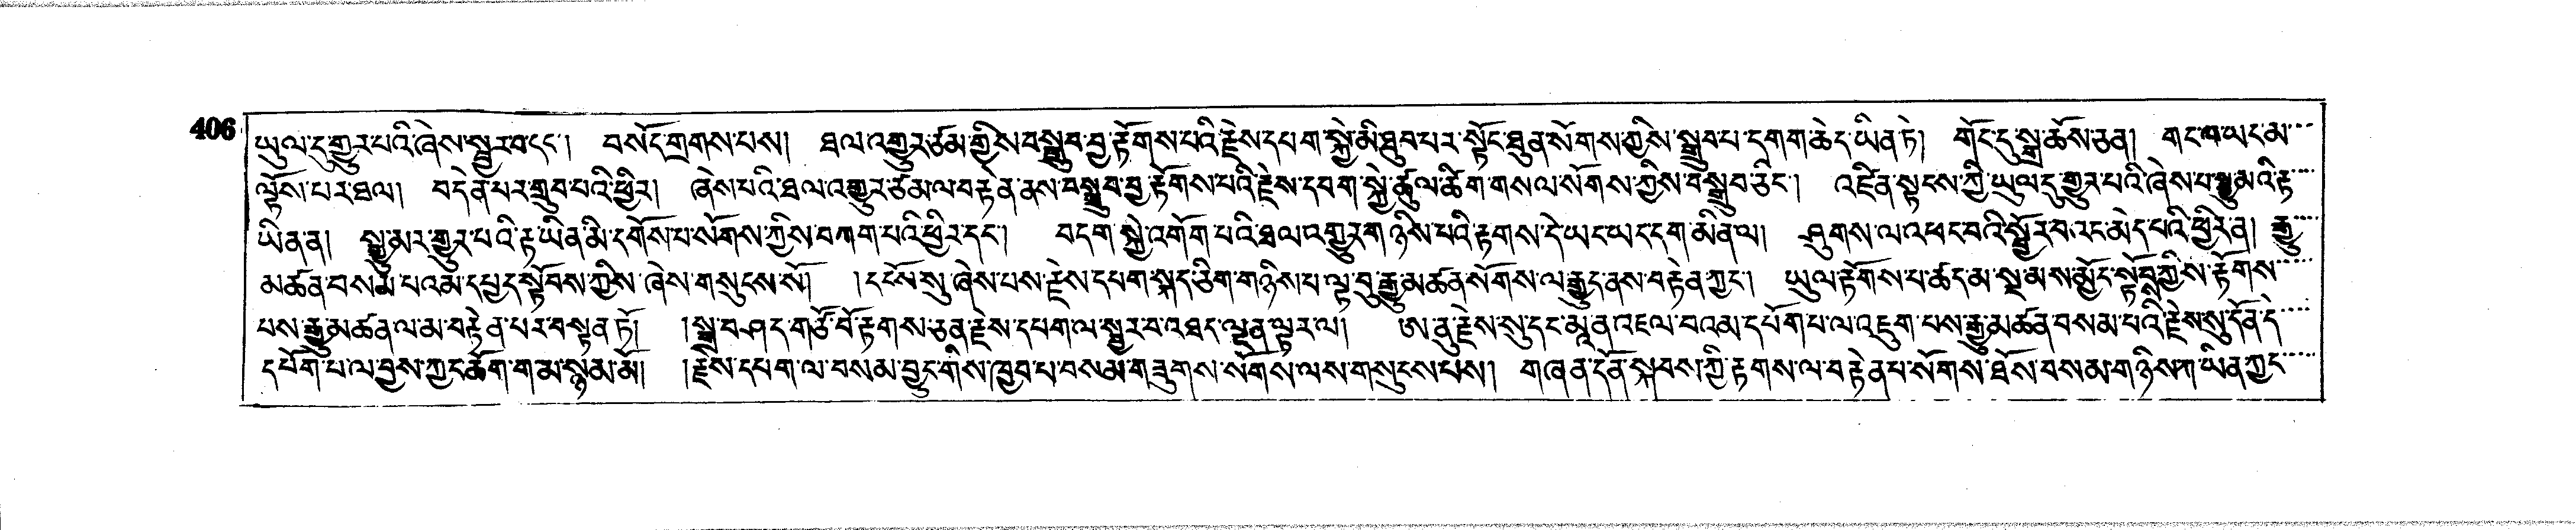ཡུལ་དུ་གྱུར་པའི་ཞེས་སྦྱར་བ་དང་། བསོད་གྲགས་པས། ཐལ་འགྱུར་ཙམ་གྱིས་བསྒྲུབ་བྱ་རྟོགས་པའི་རྗེས་དཔག་སྐྱེ་མི་ཐུབ་པར་སྟོང་ཐུན་སོགས་ཀྱིས་སྒྲུབ་པ་དགག་ཆེད་ཡིན་ཏེ། གོང་དུ་སྒྲ་ཆོས་ཅན། གང་ལ་ཡང་མ་
ལྟོས་པར་ཐལ། བདེན་པར་གྲུབ་པའི་ཕྱིར། ཞེས་པའི་ཐལ་འགྱུར་ཙམ་ལ་བརྟེན་ནས་བསྒྲུབ་བྱ་རྟོགས་པའི་རྗེས་དཔག་སྐྱེ་ཚུལ་ཚིག་གསལ་སོགས་ཀྱིས་བསྒྲུབ་ཅིང་། འཛིན་སྟངས་ཀྱི་ཡུལ་དུ་གྱུར་པའི་ཞེས་པ་སྒྱུ་མའི་རྟ་
ཡིན་ན། སྒྱུ་མར་གྱུར་པའི་རྟ་ཡིན་མི་དགོས་པ་སོགས་ཀྱིས་བཀག་པའི་ཕྱིར་དང་། བདག་སྐྱེ་འགོག་པའི་ཐལ་འགྱུར་གཉིས་པའི་རྟགས་དེ་ཡང་ཡང་དག་མིན་ལ། ཤུགས་ལ་འཕང་བའི་སྦྱོར་བའང་མེད་པའི་ཕྱིར་ན། རྒྱུ་
མཚན་བསམ་པའམ་དཔྱད་སྟོབས་ཀྱིས་ཞེས་གསུངས་སོ། །དངོས་སུ་ཞེས་པས་རྗེས་དཔག་སྐད་ཅིག་གཉིས་པ་ལྟ་བུ་རྒྱུ་མཚན་སོགས་ལ་རྒྱུད་ནས་བརྟེན་ཀྱང་། ཡུལ་རྟོགས་པ་ཚད་མ་སྔ་མས་མྱོང་སྟོབས་ཀྱིས་རྟོགས་
པས་རྒྱུ་མཚན་ལ་མ་བརྟེན་པར་བསྟན་ཏོ། །སྒྲ་བཤད་གཙོ་བོ་རྟགས་ཅན་རྗེས་དཔག་ལ་སྦྱར་བ་འཐད་ལྡན་ལྟར་ལ། ཨ་ནུ་རྗེས་སུ་དང་མཱ་ན་འཇལ་བའམ་དཔོག་པ་ལ་འཇུག་པས་རྒྱུ་མཚན་བསམ་པའི་རྗེས་སུ་དོན་དེ་
དཔོག་པ་ལ་བྱས་ཀྱང་ཆོག་གམ་སྙམ་མོ། །རྗེས་དཔག་ལ་བསམ་བྱུང་གིས་ཁྱབ་པ་བསམ་གཟུགས་སོགས་ལས་གསུངས་པས། གཞན་དོན་སྐབས་ཀྱི་རྟགས་ལ་བརྟེན་པ་སོགས་ཐོས་བསམ་གཉིས་ཀ་ཡིན་ཀྱང་